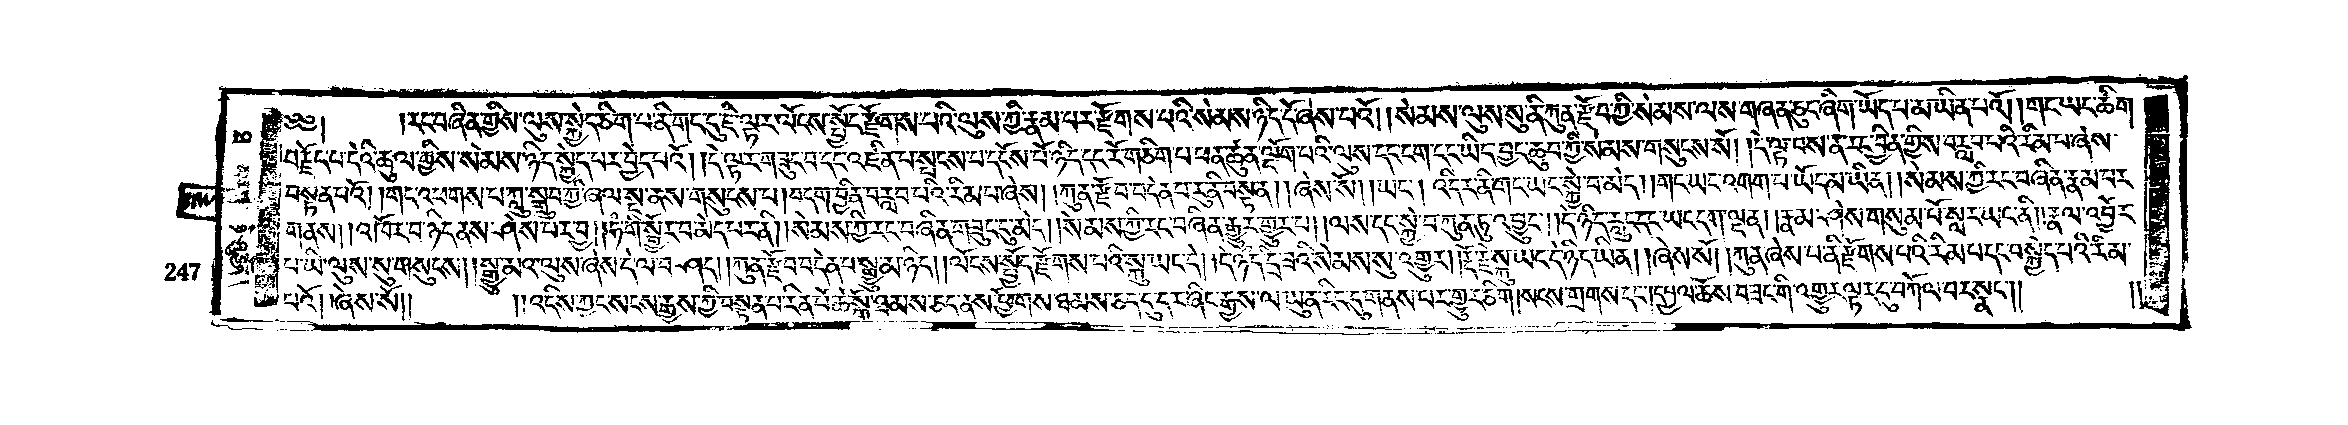༄༅། །རང་བཞིན་གྱིས་ལུས་སྐྱེད་ཅིག་པ་ནི་གང་དུ་ཇི་ལྟར་ལོངས་སྤྱོད་རྫོགས་པའི་ལུས་ཀྱི་རྣམ་པར་རྫོགས་པའི་སེམས་ཉིད་དོ་ཞེས་པའོ། །སེམས་ལུས་སུ་ནི་ཀུན་རྫོབ་ཀྱི་སེམས་ལས་གཞན་ཅུང་ཞིག་ཡོད་པ་མ་ཡིན་པའོ། །གང་ཡང་ཚིག་
བརྗོད་པ་དེའི་ཚུལ་གྱིས་སེམས་ཉིད་སྐྱེད་པར་བྱེད་པའོ། །དེ་ལྟར་གཟུང་བ་དང་འཛིན་པ་སྤངས་པ་དངོས་པོ་ཉིད་དང་རོ་གཅིག་པ་ཕན་ཚུན་ལྡོག་པའི་ལུས་དང་ངག་དང་ཡིད་བྱང་ཆུབ་ཀྱི་སེམས་གསུངས་སོ། །དེ་ལྟ་བས་ན་རང་བྱིན་གྱིས་བརླབ་པའི་རིམ་པ་ཞེས་
བསྟན་པའོ། །གང་འཕགས་པ་ཀླུ་སྒྲུབ་ཀྱི་ཞལ་སྔ་ནས་གསུངས་པ། བདག་བྱིན་བརླབ་པའི་རིམ་པ་ཞེས། །ཀུན་རྫོབ་བདེན་པ་རུ་ནི་བསྟན། །ཞེས་སོ། །ཡང་། འདིར་ནི་གང་ཡང་སྐྱེ་བ་མེད། །གང་ཡང་འགག་པ་ཡོད་མ་ཡིན། །སེམས་ཀྱི་རང་བཞིན་རྣམ་པར་
གནས། །འཁོར་བ་ཉིད་ནས་ཤེས་པར་བྱ། །ཧཾ་གི་སྦྱོར་བ་མེད་པར་ནི། །སེམས་ཀྱི་རང་བཞིན་གཟུང་དུ་མེད། །སེམས་ཀྱི་རང་བཞིན་རྒྱུར་གྱུར་པ། །ལས་དང་སྐྱེ་བ་ཀུན་ཏུ་འབྱུང་། །དེ་ཉིད་རླུང་དང་ཡང་དག་ལྡན། །རྣམ་ཤེས་གསུམ་པོ་སླར་ཡང་ནི། །རྣལ་འབྱོར་
པ་ཡི་ལུས་སུ་གསུངས། །སྒྱུ་མའི་ལུས་ཞེས་དེ་ལ་བཤད། །ཀུན་རྫོབ་བདེན་པ་སྒྱུ་མ་ཉིད། །ལོངས་སྤྱོད་རྫོགས་པའི་སྐུ་ཡང་དེ། །དེ་ཉིད་དྲི་ཟའི་སེམས་སུ་འགྱུར། །རྡོ་རྗེ་སྐུ་ཡང་དེ་ཉིད་ཡིན། །ཞེས་སོ། །ཀུན་ཞེས་པ་ནི་རྫོགས་པའི་རིམ་པ་དང་བསྐྱེད་པའི་རིམ་
པའོ། །ཞེས་སོ།། །།འདིས་ཀྱང་སངས་རྒྱས་ཀྱི་བསྟན་པ་རིན་པོ་ཆེ་སྒོ་ཐམས་ཅད་ནས་ཕྱོགས་ཐམས་ཅད་དུ་དར་ཞིང་རྒྱས་ལ་ཡུན་རིང་དུ་གནས་པར་གྱུར་ཅིག །སངས་གྲགས་དང་། དཔྱལ་ཆོས་བཟང་གི་འགྱུར་ལྟར་དུ་བཀོལ་བར་སྣང།། །།